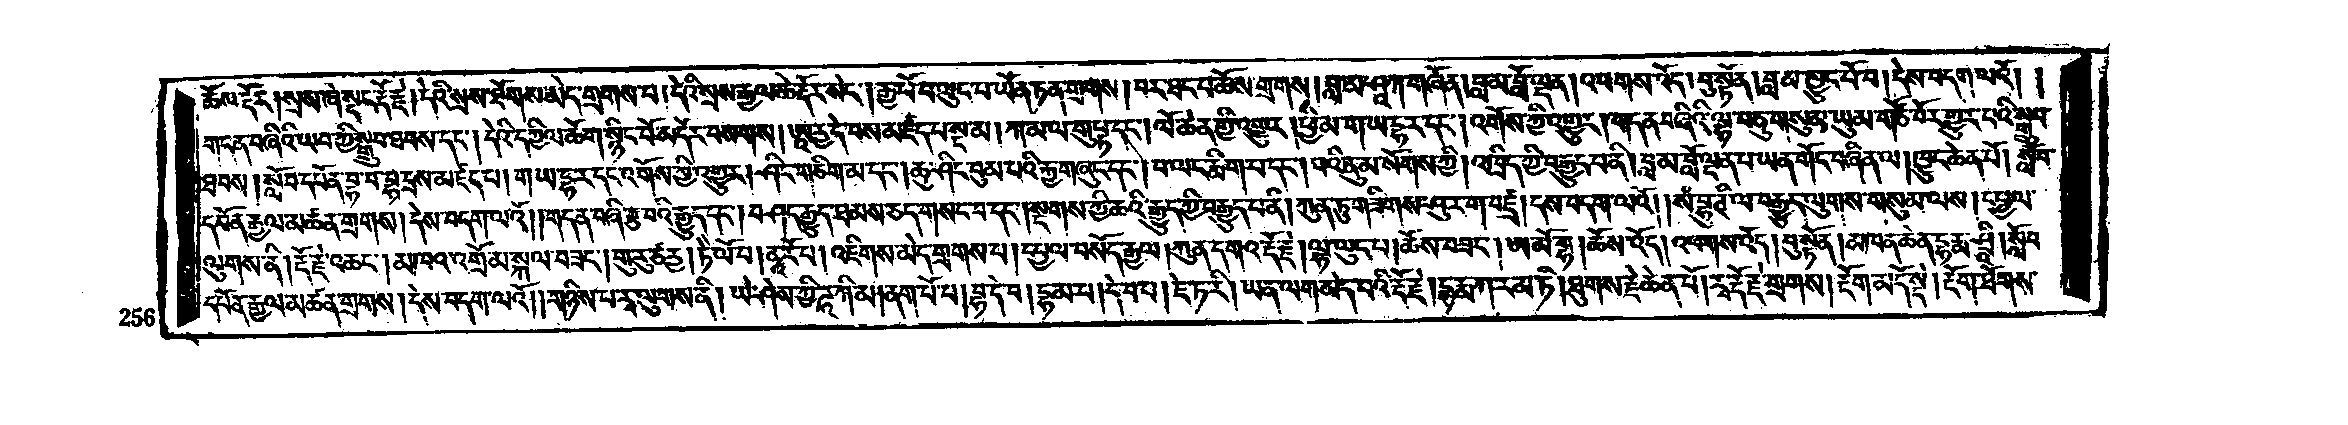ཆོས་རྡོར། སྲས་ཞེ་སྡང་རྡོ་རྗེ། དེའི་སྲས་ཐོགས་མེད་གྲགས་པ། དེའི་སྲས་རྒྱལ་ཆེ་རྡོར་སེང༑ རྒྱ་པོ་བ་ལུང་པ་ཡོན་ཏན་གྲགས། བར་ཐང་པ་ཆོས་གྲགས། བླ་མ་ཤཱཀ་གཞོན། བླ་མ་བློ་ལྡན། འཕགས་འོད། བུ་སྟོན། བླ་མ་ཁྱབ་པོ་བ། དེས་བདག་ལའོ། །
གདན་བཞིའི་ཡབ་ཀྱི་སྒྲུབ་ཐབས་དང་། དེའི་དཀྱིལ་ཆོག་སྙིང་པོ་མདོར་བསགས། ཨཱརྱ་དེ་བས་མཛད་པ་སྔ་མ། ཀ་མ་ལ་གུཔྟ་དང་། ལོ་ཆེན་གྱི་འགྱུར། ཕྱི་མ་ག་ཡ་དྷ་ར་དང་། འགོས་ཀྱི་འགྱུར། གདན་བཞིའི་ལྷ་བཅུ་གསུམ་ཡུམ་གཙོ་བོར་གྱུར་པའི་སྒྲུབ་
ཐབས། སློབ་དཔོན་བྷ་བ་བྷ་དྲས་མཛད་པ། གཡ་དྷ་ར་དང་འགོས་ཀྱི་འགྱུར། ཤིང་གཅིག་མ་དང་། ཆུ་ཤིང་བུམ་པའི་རྐྱ་གཞུང་དང་། བ་ལང་རྨིག་པ་དང་། ཐའི་ནུ་མ་སོགས་ཀྱི། འཁྲིད་ཀྱི་བརྒྱུད་པ་ནི། བླ་མ་བློ་ལྡན་པ་ཡན་གོང་བཞིན་ལ། ཁྱུང་ཆེན་པོ། སློབ་
དབོན་རྒྱལ་མཚན་གྲགས། དེས་བདག་ལའོ། །གདན་བཞི་རྩ་བའི་རྒྱུད་དང་། བཤད་རྒྱུད་ཐམས་ཅད་གསང་བ་དང་། སྔགས་ཀྱི་ཆའི་རྒྱུད་ཀྱི་བརྒྱུད་པ་ནི། ཀུན་ཏུ་གཟིགས་ཤུ་ར་ག་བཛྲ། དས་བདག་ལའོ། །སཾ་བྷུ་ཊི་ལ་བརྒྱུད་ལུགས་གསུམ་ལས། དཔྱལ་
ལུགས་ནི། རྡོ་རྗེ་འཆང་། མཁའ་འགྲོ་མ་སྐལ་བཟང་། གུ་རུ་ཙརྱ། ཏཻ་ལོ་པ། ནཱ་རོ་པ། འཇིགས་མེད་གྲགས་པ། དཔྱལ་བསོད་རྒྱལ། ཀུན་དགའ་རྡོ་རྗེ། ལྷ་ལུང་པ། ཆོས་བཟང་། ཨ་མོ་གྷ། ཆོས་འོད། འཕགས་འོད། བུ་སྟོན། མཁན་ཆེན་དྷརྨ་ཤྲཱི། སློབ་
དཔོན་རྒྱལ་མཚན་གྲགས། དེས་བདག་ལའོ། །གཉིས་པ་རྭ་ལུགས་ནི། ཡེ་ཤེས་ཀྱི་ཌཱ་ཀི་མ། ནག་པོ་པ། བྷ་དེ་བ། ངྷ་མ་པ། དེ་བ་པ། ཇེ་ཏ་རི། ཡན་ལག་མེད་པའི་རྡོ་རྗེ། དྷ་རྨ་ཀར་མ་ཏི། ཐུགས་རྗེ་ཆེན་པོ། རྭ་རྡོ་རྗེ་གྲགས། རྡོག་མདོ་སྡེ། རྡོག་ཐོགས་